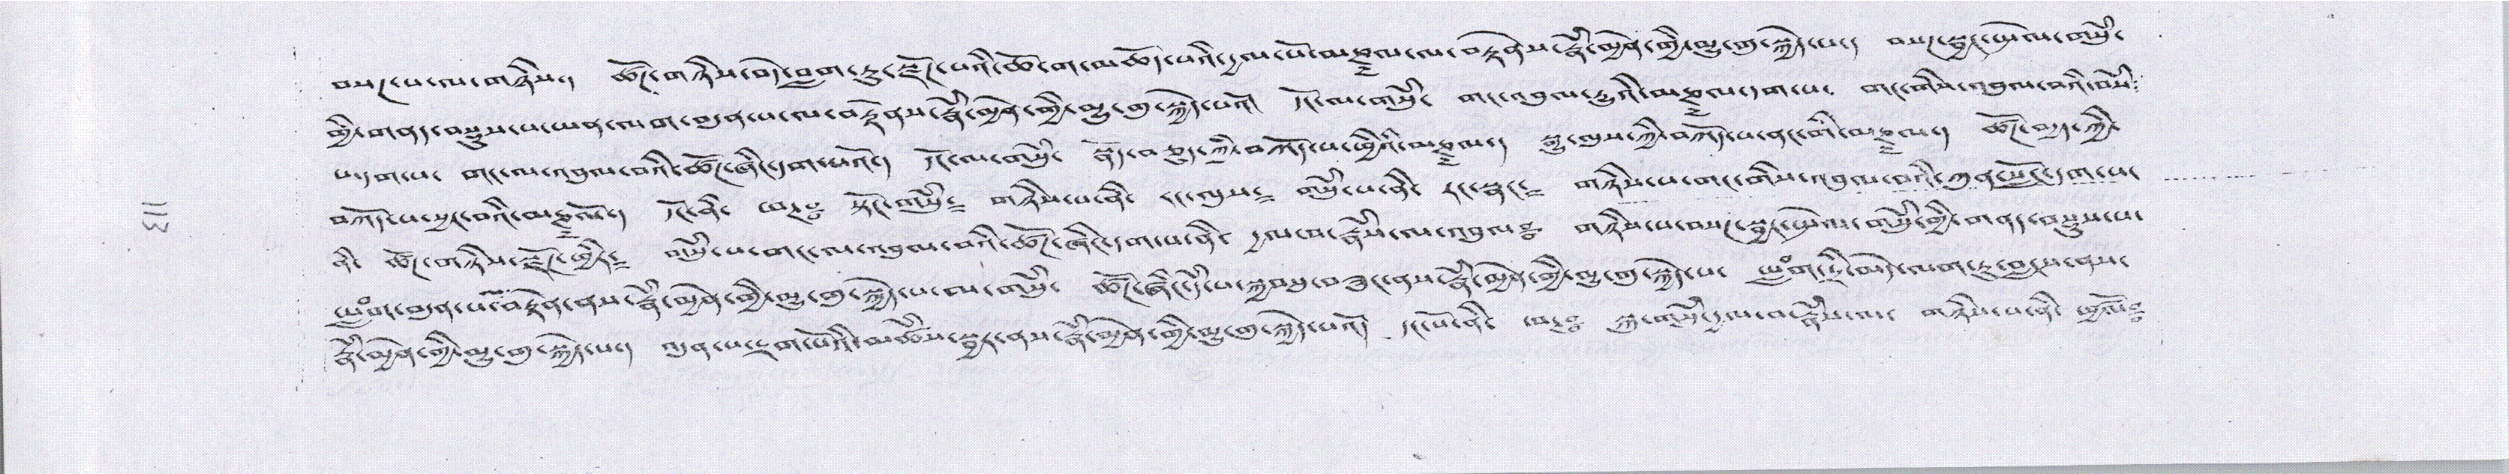བསགས་པ་ལ་གཉིས། ཚོགས་གཉིས་བདེ་བླག་ཏུ་རྫོགས་པའི་ཆོ་ག་མཆོད་པའི་རྒྱལ་པོ་མཎྜལ་ལ་བརྟེན་ནས་རྣམ་མཁྱེན་གྱི་མྱུ་གུ་བསྐྱེད་པས། བསགས་སྦྱང་སྤེལ་གསུམ་
གྱི་གནད་བསྡུས་པ་ཡན་ལག་བདུན་པ་ལ་བརྟེན་ནས་རྣམ་མཁྱེན་གྱི་མྱུ་གུ་བསྐྱེད་པའོ། དང་པོ་ལ་གསུམ། གང་འབུལ་རྒྱུའི་མཎྜལ་དག་པ། གང་གིས་འབུལ་བའི་བསམ་
པ་དག་པ། གང་ལ་འབུལ་བའི་ཚོགས་ཞིང་དག་པའོ། དང་པོ་གསུམ། སྣོད་བཅུད་ཀྱི་བཀོད་པ་ཕྱི་ཡི་མཎྚལ། སྒྱུ་ལུས་ཀྱི་བཀོད་པ་ནང་གི་མཎྜལ། ཚོགས་བརྒྱད་ཀྱི་
བཀོད་པ་གསང་བའི་མཎྜལ་ལོ། དང་པོ་ནི། ཕཊཿ སྟོང་གསུམ༑ གཉིས་པ་ནི། རང་ལུས༑ གསུམ་པ་ནི། རང་སྣང༑ གཉིས་པ་གང་ཞིག་འབུལ་བའི་ཀུན་སློང་དག་པ་
ནི། ཚོགས་གཉིས་རྫོགས་ཕྱིར༑ གསུམ་པ་གང་ལ་འབུལ་བའི་ཚོགས་ཞིང་དག་པ་ནི། རྒྱལ་བ་རྣམས་ལ་འབུལཿ གཉིས་པ་བསགས་སྦྱང་སྤེལ་གསུམ་གྱི་གནད་བསྡུས་པ་
ཡན་ལག་བདུན་པ་ལ་བརྟེན་ནས་རྣམ་མཁྱེན་གྱི་མྱུ་གུ་བསྐྱེད་པ་ལ་གསུམ། ཚོགས་ཞིང་དམ་པ་སྐྱབས་སུ་བཟུང་ནས་རྣམ་མཁྱེན་གྱི་མྱུ་གུ་བསྐྱེད་པ། ཡན་ལག་དྲི་མེད་ལག་ཏུ་བླངས་ནས་
རྣམ་མཁྱེན་གྱི་མྱུ་གུ་བསྐྱེད་པ། འདུན་པ་དྲག་པོའི་མཚམས་སྦྱར་ནས་རྣམ་མཁྱེན་གྱི་མྱུ་གུ་བསྐྱེད་པའོ། དང་པོ་ནི། ཕཊཿ སྐུ་གསུམ་རྒྱལ་བ་རྣམས་ལ། གཉིས་པ་ནི། ཕྱག་འཚལ་ལོཿ